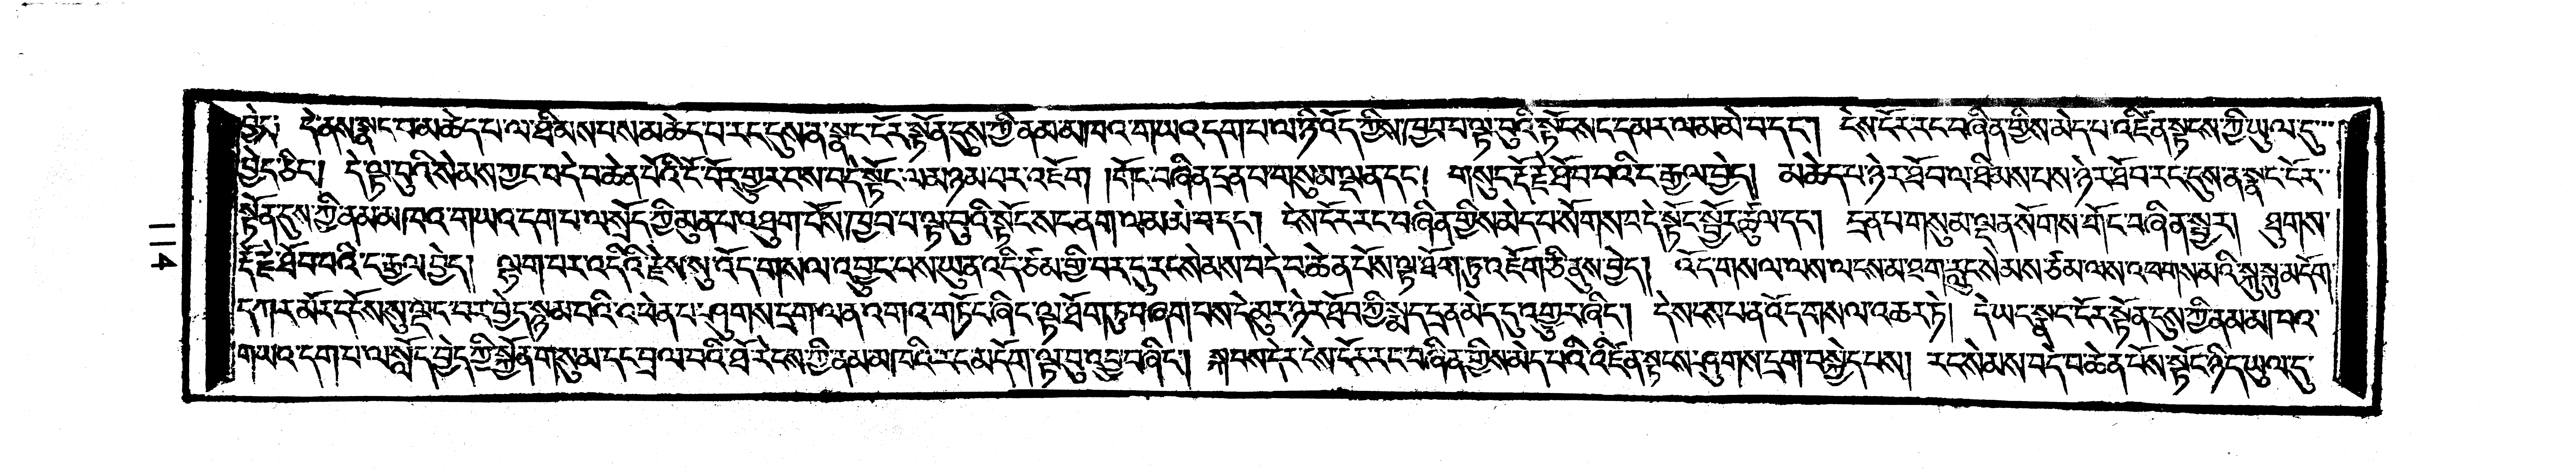བྱེད༑ དེ་ནས་སྣང་བ་མཆེད་པ་ལ་ཐིམས་པས་མཆེད་པ་རང་དུས་ན་སྣང་ངོར་སྟོན་དུས་ཀྱི་ནམ་མཁའ་གཡའ་དག་པ་ལ་ཉི་འོད་ཀྱིས་ཁྱབ་པ་ལྟ་བུའི་སྟོང་སའ་དམར་ལམ་མེ་བ་དང་། ངེས་ངོར་རང་བཞིན་གྱིས་མེད་པ་འཛིན་སྟངས་ཀྱི་ཡུལ་དུ་
བྱེད་ཅིང་། དེ་ལྟ་བུའི་སེམས་ཀྱང་བདེ་བ་ཆེན་པོའི་ངོ་བོར་གྱུར་པས་བདེ་སྟོང་ལ་མཉམ་པར་འཇོག །གོང་བཞིན་དྲན་པ་གསུམ་ལྡན་དང་། གསུང་རྡོ་རྗེ་ཐོབ་པའི་ང་རྒྱལ་བྱེད། མཆེད་པ་ཉེར་ཐོབ་ལ་ཐིམས་པས་ཉེར་ཐོབ་རང་དུས་ན་སྣང་ངོར་
སྟོན་དུས་ཀྱི་ནམ་མཁའ་གཡའ་དག་པ་ལ་སྲོད་ཀྱི་མུན་པ་འཐུག་པོས་ཁྱབ་པ་ལྟ་བུའི་སྟོང་སང་ནག་ལམ་མེ་བ་དང་། ངེས་ངོར་རང་བཞིན་གྱིས་མེད་པ་སོགས་བདེ་སྟོང་སྦྱོར་ཚུལ་དང་། དྲན་པ་གསུམ་ལྡན་སོགས་གོང་བཞིན་སྦྱར། ཐུགས་
རྡོ་རྗེ་ཐོབ་པའི་ང་རྒྱལ་བྱེད། ལྷག་པར་འདིའི་རྗེས་སུ་འོད་གསལ་འབྱུང་པས་ཡུན་འདི་ཙམ་གྱི་བར་དུ་རང་སེམས་བདེ་བ་ཆེན་པོས་ལྟ་ཐོག་ཏུ་འཇོག་ཅི་ནུས་བྱེད། འོད་གསལ་ལས་ལངས་མ་ཐག་རླུང་སེམས་ཙམ་ལས་འཕགས་མའི་སྐུ་སྐུ་མདོག་
དཀར་མོར་དངོས་སུ་ལྡང་བར་བྱེད་སྙམ་པའི་འཕེན་པ་ཤུགས་དྲག་ལན་འགའ་གཏོང་ཞིང་ལྟ་ཐོག་ཏུ་བཞག་པས་དེ་མུར་ཉེར་ཐོབ་ཀྱི་སྨད་དྲན་མེད་དུ་འགྱུར་ཞིང་། དེ་སངས་པ་ན་འོད་གསལ་འཆར་ཏེ། དེ་ཡང་སྣང་ངོར་སྟོན་དུས་ཀྱི་ནམ་མཁའ་
གཡའ་དག་པ་ལ་སློད་བྱེད་ཀྱི་རྐྱེན་གསུམ་དང་བྲལ་བའི་ཐོ་རེངས་ཀྱི་ནམ་མཁའི་རང་མདོག་ལྟ་བུ་འབྱུང་ཞིང་། སྐབས་དེར་ངེས་ངོར་རང་བཞིན་གྱིས་མེད་པའི་འཛིན་སྟངས་ཤུགས་དྲག་བསྐྱེད་པས། རང་སེམས་བདེ་བ་ཆེན་པོས་སྟོང་ཉིད་ཡུལ་དུ་